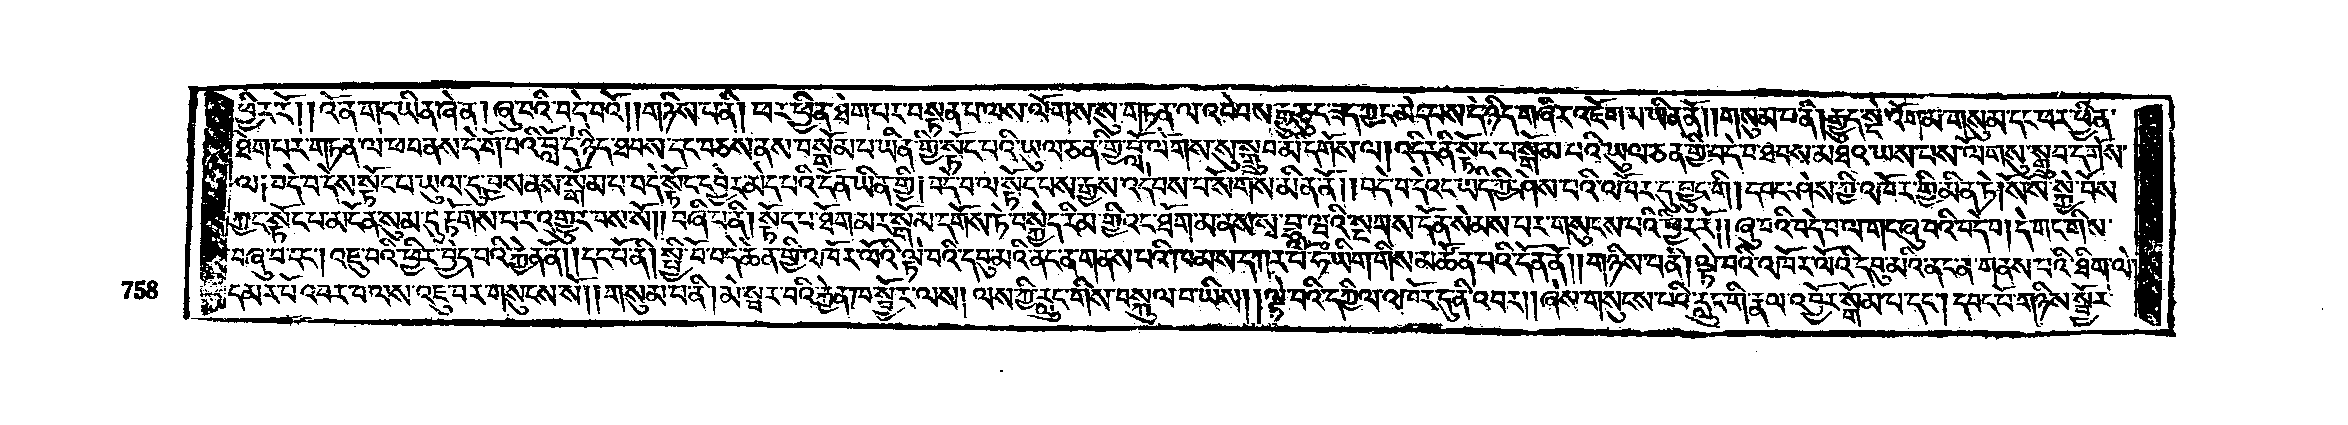ཕྱིར་རོ། །འོ་ན་གང་ཡིན་ཞེ་ན། ཞུ་བའི་བདེ་བའོ། །གཉིས་པ་ནི། ཕར་ཕྱིན་ཐེག་པར་བསྟན་པ་ལས་ལོགས་སུ་གཏན་ལ་འབེབས་རྒྱུ་ཅུང་ཟད་ཀྱང་མེད་པས་དེ་ཉིད་གཞིར་འཇོག་པ་ཡིན་ནོ། །གསུམ་པ་ནི། རྒྱུད་སྡེ་འོག་མ་གསུམ་དང་ཕར་ཕྱིན་
ཐེག་པར་གཏན་ལ་ཕབ་ནས་དེ་གོ་བའི་བློ་དེ་ཉིད་ཐབས་དང་བཅས་ནས་བསྒོམ་པ་ཡིན་གྱི་སྟོང་པའི་ཡུལ་ཅན་གྱི་བློ་ལོགས་སུ་སྒྲུབ་མི་དགོས་ལ། འདིར་ནི་སྟོང་པ་སྒོམ་པའི་ཡུལ་ཅན་གྱི་བདེ་བ་ཐབས་མཐའ་ཡས་པས་ལོགས་སུ་སྒྲུབ་དགོས་
ལ། བདེ་བ་དེས་སྟོང་པ་ཡུལ་དུ་བྱས་ནས་སྒོམ་པ་བདེ་སྟོང་དབྱེར་མེད་པའི་དོན་ཡིན་གྱི། བདེ་བ་ལ་སྟོང་པས་རྒྱས་འདེབས་པ་སོགས་མིན་ནོ། །བདེ་བ་དེའང་ཡིད་ཀྱི་ཤེས་པའི་འཁོར་དུ་བྱུང་གི །དབང་ཤེས་ཀྱི་འཁོར་གྱི་མིན་ཏེ། སོ་སོ་སྐྱེ་བོས་
ཀྱང་སྟོང་པ་མངོན་སུམ་དུ་རྟོགས་པར་འགྱུར་བས་སོ། །བཞི་པ་ནི། སྟོང་པ་ཐོག་མར་སྒོམ་དགོས་ཏེ་བསྐྱེད་རིམ་གྱིའང་ཐོག་མ་ནས་སྭ་བྷཱ་ཝའི་སྔགས་དོན་སེམས་པར་གསུངས་པའི་ཕྱིར་རོ། །ཞུ་བའི་བདེ་བ་ལ་གང་ཞུ་བའི་བདེ་བ། དེ་གང་གིས་
བཞུ་བ་དང་། འཇུ་བའི་ཕྱིར་བྱེད་པའི་རྐྱེན་ནོ། །དང་པོ་ནི། སྤྱི་བོ་བདེ་ཆེན་གྱི་འཁོར་ལོའི་ལྟེ་བའི་དབུ་མའི་ནང་ན་གནས་པའི་ཁམས་དཀར་པོ་ཧཾ་ཡིག་གིས་མཚོན་པའི་དོན་ནོ། །གཉིས་པ་ནི། ལྟེ་བའི་འཁོར་ལོའི་དབུ་མའི་ནང་ན་གནས་པའི་ཐིག་ལེ་
དམར་པོ་འབར་བ་ལས་འཇུ་བར་གསུངས་སོ། །གསུམ་པ་ནི། མེ་སྦར་བའི་རྐྱེན་ཁ་སྦྱོར་ལས། ལས་ཀྱི་རླུང་གིས་བསྐུལ་བ་ཡིས། །ལྟེ་བའི་དཀྱིལ་འཁོར་དུ་ནི་འབར། །ཞེས་གསུངས་པའི་རླུང་གི་རྣལ་འབྱོར་སྒོམ་པ་དང་། དབང་པོ་གཉིས་སྦྱོར་